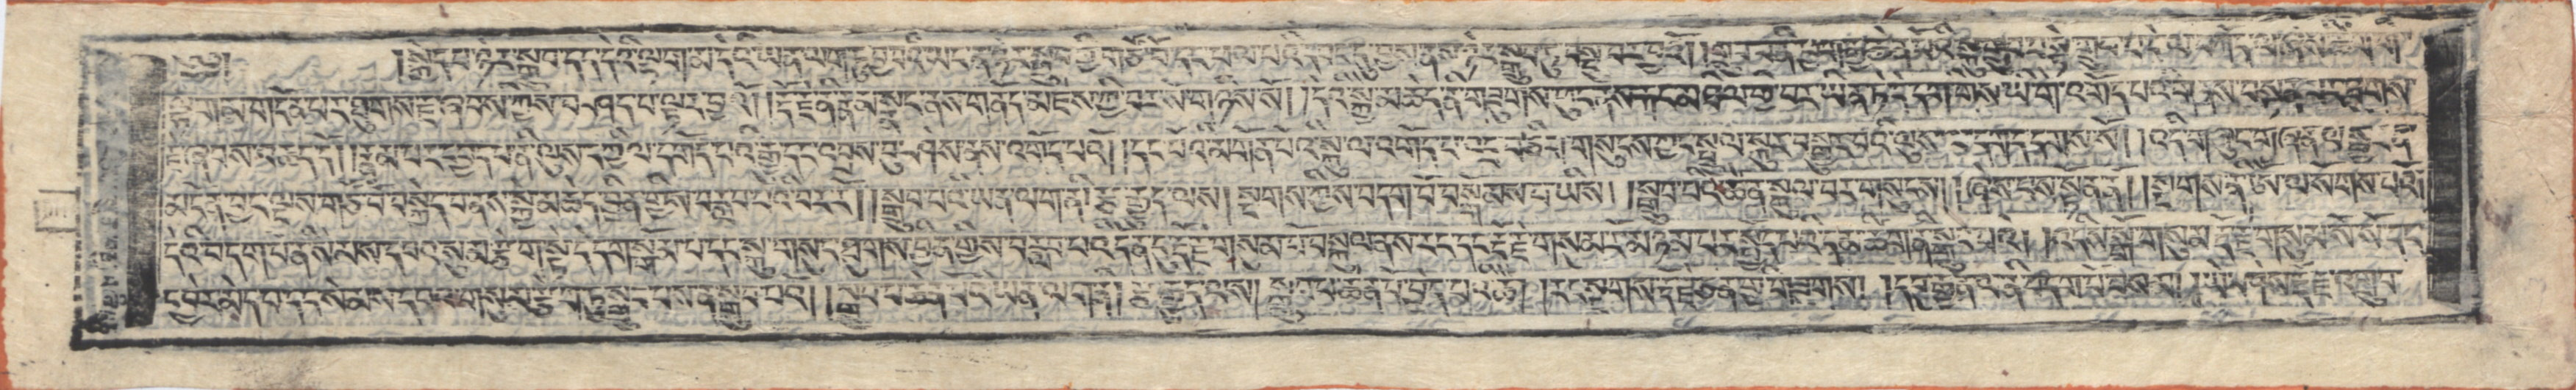༄༅། །སྐྱེད་པ་ཉེར་སྒྲུབ་དད་དེའི་ལྷག་མ་དེའི་ཡན་ལག་ཏུ་བྱ་བའི་ཡང་ན་ཉེར་སྒྲུབ་ཀྱི་གཙོ་བོ་དང་ཕལ་བའི་དབང་དུ་བྱས་ནས་ཉེར་སྒྲུབ་ཏུ་བསྡུ་བར་བྱའོ། །གྲུབ་པ་ནི་ཕྱག་རྒྱ་ཆེན་པོའི་སྐུ་གྲུབ་པ་སྟེ་གྲུབ་པ་དེ་ལ་བཀོད་ལ་ཞེས་ཚིག་གི་
ལྷག་མ་གདོན་པར་ཐུགས་རྗེ་ཞབས་ཀྱིས་བཤད་པ་ལྟར་བྱའོ། །རྡོ་རྗེ་ནི་རྣམ་སྣང་ནས་གནོད་མཛེས་ཀྱི་བར་སོ་གཉིས་སོ། །དེའི་སྐྱེ་མཆེད་ནི་གཟུགས་ཕུང་ནས་རྐང་མཐིལ་གྱི་བར་ཡིན་ཏེ་དེ་དག་གིས་ཡི་གེ་འགོད་པའི་གནས་བསྟན་པར་ཐུགས་
རྗེ་ཞབས་འཆད་དོ། །རྣམ་པར་དཔྱད་པ་ནི་ལུས་དཀྱིལ་དགོད་པའི་རྒྱུ་དང་འབྲས་བུ་ཤེས་ནས་འགོད་པའོ། །དང་པོའི་མགོན་པོའི་སྐུ་ལ་འགོད་པ་འདྲ་བ་ཅིག་གསུངས་ཀྱང་སྤྲུལ་སྐུར་བསྒྱུར་བའི་ལུས་ལ་དགད་དགོས་སོ། །འདི་གཞུང་གཞན་ལ་སྦྱར་ན་
མངོན་བྱང་ལྔས་གཙོ་བོ་བསྐྱེད་པ་ནས་སྐྱེ་མཆེད་བྱིན་གྱིས་བརླབ་པའི་བར་རོ། །སྒྲུབ་པའི་ཡན་ལག་ནི། རྩ་རྒྱུད་ལས། སྔགས་ཀྱིས་བདག་པོ་བསྒོམས་པ་ཡིས། །སྒྲུབ་པའི་ཚེ་ན་སྐུལ་བར་གསུངས། །ཞེས་པས་སྟོན་ནོ། །སྔགས་ནི་ཨོཾ་ལ་སོགས་པའོ།
དེའི་བདག་པོ་ནི་སེམས་དཔའ་སུམ་རྩེག་སྟེ་དེ་དག་སྒོམ་པ་དང་སྐུ་གསུང་ཐུགས་བྱིན་གྱིས་བརླབ་པའི་དོན་དུ་རྡོ་རྗེ་གསུམ་པོ་བསྐུལ་ནས་རང་དང་རྡོ་རྗེ་གསུམ་རོ་མཉམ་པར་སྤྱོད་པའི་དམ་ཚིག་ནི་སྒྲུབ་པའོ། །འདིས་སྒོ་གསུམ་རྡོ་རྗེ་གསུམ་སོ་སོ་དང་
དབྱེར་མེད་པ་དང་སེམས་དཔའ་གསུམ་རྩེ་ཏུ་སྒྲུབ་པས་ན་སྒྲུབ་པའོ། །སྒྲུབ་པ་ཆེན་པོའི་ཡན་ལག་ནི། རྩ་རྒྱུད་ལས། སྒྲུབ་པ་ཆེན་པོ་བྱེད་པའི་ཚེ། །རང་སྔགས་རྡོ་རྗེ་ཅན་གྱི་གཟུགས། །དབུ་རྒྱན་ལ་ནི་བདག་པོ་བསམ། །ཡེ་ཤེས་རྡོ་རྗེ་འགྲུབ་